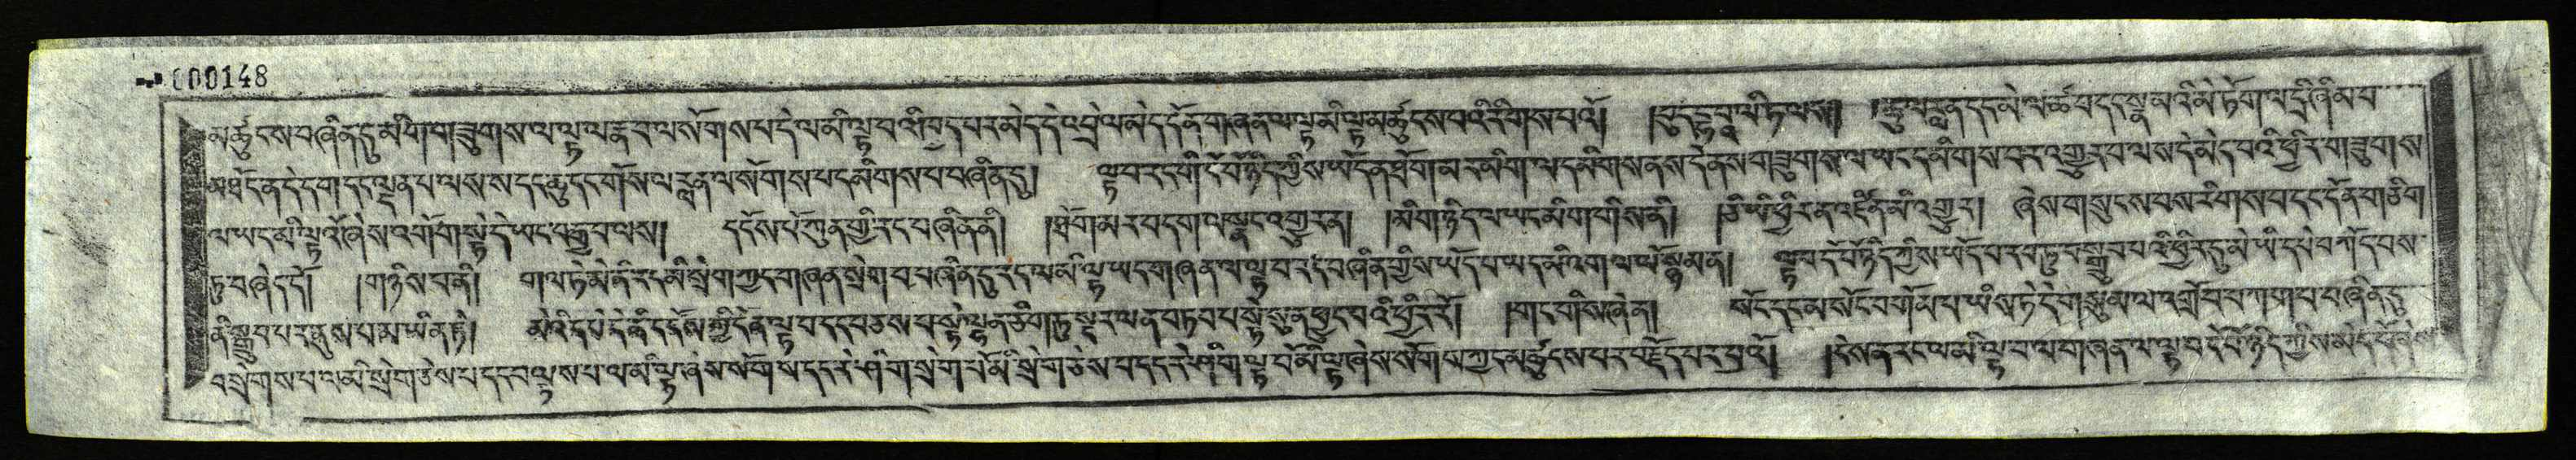མཚུངས་བཞིན་དུ་མིག་གཟུགས་ལ་ལྟ་ལ་རྣ་བ་ལ་སོགས་པ་དེ་ལ་མི་ལྟ་བའི་ཁྱད་པར་མེད་དེ་འབྲེལ་མེད་དོན་གཞན་ལ་ལྟ་མི་ལྟ་མཚུངས་པའི་རིགས་པའོ། །བུད་དྷ་པཱ་ལི་ཏ་ལས། །ཆུ་ལ་རླན་དང་མེ་ལ་ཚ་བ་དང་སྣ་མའི་མེ་ཏོག་ལ་དྲི་ཞིམ་པ་
མཐོང་ན་དེ་དག་དང་ལྡན་པ་ལས་ས་དང་ཆུ་དང་གོས་ལ་རླན་ལ་སོགས་པ་དམིགས་པ་བཞིན་དུ། ལྟ་བ་རང་གི་ངོ་བོ་ཉིད་ཀྱིས་ཡོད་ན་ཐོག་མར་མིག་ལ་དམིགས་ནས་དེ་ནས་གཟུགས་ལ་ཡང་དམིགས་པར་འགྱུར་བ་ལས་དེ་མེད་པའི་ཕྱིར་གཟུགས་
ལ་ཡང་མི་ལྟའོ་ཞེས་འགོག་སྟེ་དེ་ཡང་བརྒྱབ་ལས། དངོས་པོ་ཀུན་གྱི་རང་བཞིན་ནི། །ཐོག་མར་བདག་ལ་སྣང་འགྱུར་ན། །མིག་ཉིད་ལ་ཡང་མིག་གིས་ནི། །ཅི་ཡི་ཕྱིར་ན་འཛིན་མི་འགྱུར། ཞེས་གསུངས་པས་རིགས་པ་དང་དོན་གཅིག་
ཏུ་བཞེད་དོ། །གཉིས་པ་ནི། གལ་ཏེ་མེ་ནི་རང་མི་སྲེག་ཀྱང་གཞན་སྲེག་པ་བཞིན་དུ་རང་ལ་མི་ལྟ་ཡང་གཞན་ལ་ལྟ་བ་རང་བཞིན་གྱིས་ཡོད་པ་ཡད་མི་འགལ་ལོ་སྙམ་ན། ལྟ་བ་ངོ་བོ་ཉིད་ཀྱིས་ཡོད་པ་རབ་ཏུ་བསྒྲུབ་པའི་ཕྱིར་དུ་མེ་ཡི་དཔེ་བཀོད་པས་
ནི་སྒྲུབ་པར་ནུས་པ་མ་ཡིན་ཏེ། མེའི་དཔེ་དེ་ནི་དངོས་ཀྱི་དོན་ལྟ་བ་དང་བཅས་པ་སྟེ་ལྷན་ཅིག་ཏུ་སྔར་ལན་བཏབ་པ་སྟེ་སུན་ཕྱུང་བའི་ཕྱིར་རོ། །གང་གིས་ཞེ་ན། སོང་དང་མ་སོང་བ་གོམ་པ་ཡིས་ཏེ་དེ་གསུམ་ལ་འགྲོ་བ་བཀག་པ་བཞིན་དུ་
བསྲེགས་པ་ལ་མི་སྲེག་ཅེས་པ་དང་བལྟས་པ་ལ་མི་ལྟ་ཞེས་སོགས་དང་རེ་ཤིག་སྲེག་པོ་མི་སྲེག་ཅེས་པ་དང་རེ་ཤིག་ལྟ་བོ་མི་ལྟ་ཞེས་སོགས་ཀྱང་མཚུངས་པར་བརྗོད་པར་བྱའོ། །དེས་ན་རང་ལ་མི་ལྟ་བ་ལ་གཞན་ལ་ལྟ་བ་ངོ་བོ་ཉིད་ཀྱིས་མེད་དོ་ཞེས་